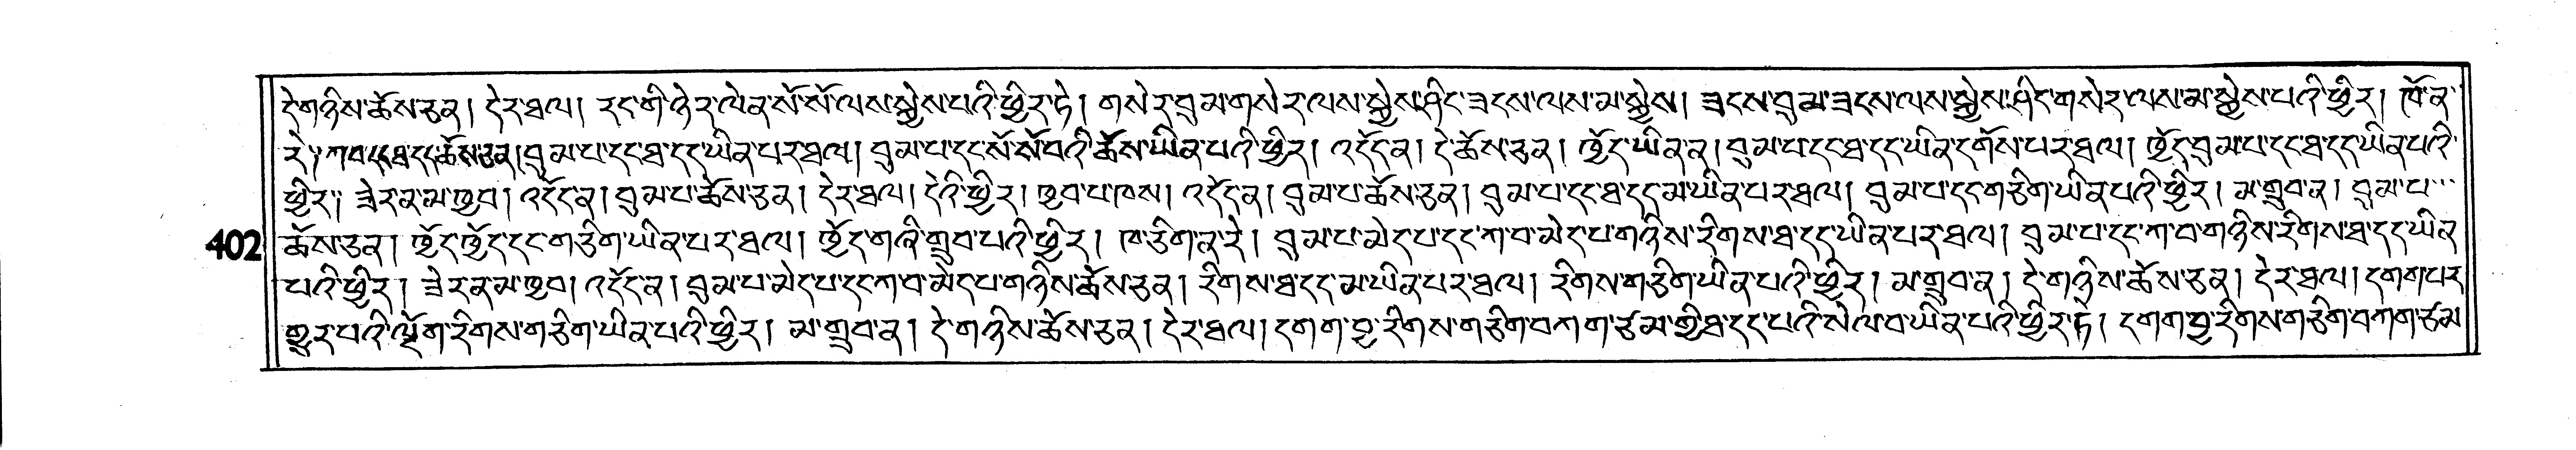དེ་གཉིས་ཆོས་ཅན། དེར་ཐལ། རང་གི་ཉེར་ལེན་སོ་སོ་ལས་སྐྱེས་པའི་ཕྱིར་ཏེ། གསེར་བུམ་གསེར་ལས་ཀྱེས་ཤིང་ཟངས་ལས་མ་སྐྱེས། ཟངས་བུམ་ཟངས་ལས་སྐྱེས་ཤིང་གསེར་ལས་མ་སྐྱེས་པའི་ཕྱིར། ཁོ་ན་
རེ༑ ཀ་བ་དད་ཐ་དད་ཆོས་ཅན། བུམ་པ་དང་ཐ་དད་ཡིན་པར་ཐལ། བུམ་པ་དང་སོ་སོ་བའི་ཆོས་ཡིན་པའི་ཕྱིར། འདོད་ན། དེ་ཆོས་ཅན། ཁྱོད་ཡིན་ན། བུམ་པ་དང་ཐ་དད་ཡིན་དགོས་པར་ཐལ། ཁྱོད་བུམ་པ་དང་ཐ་དད་ཡིན་པའི་
ཕྱིར༑ ཟེར་ན་མ་ཁྱབ། འདོད་ན། བུམ་པ་ཆོས་ཅན། དེར་ཐལ། དེའི་ཕྱིར། ཁྱབ་པ་ཁས། འདོད་ན། བུམ་པ་ཆོས་ཅན། བུམ་པ་དང་ཐ་དད་མ་ཡིན་པར་ཐལ། བུམ་པ་དང་གཅིག་ཡིན་པའི་ཕྱིར། མ་གྲུབ་ན། བུམ་པ་
ཆོས་ཅན། ཁྱོད་ཁྱོད་དང་གཅིག་ཡིན་པར་ཐལ། ཁྱོད་གཞི་གྲུབ་པའི་ཕྱིར། ཁ་ཅིག་ན་རེ། བུམ་པ་མེད་པ་དང་ཀ་བ་མེད་པ་གཉིས་རིགས་ཐ་དད་ཡིན་པར་ཐལ། བུམ་པ་དང་ཀ་བ་གཉིས་རིགས་ཐ་དད་ཡིན་
པའི་ཕྱིར། ཟེར་ན་མ་ཁྱབ། འདོད་ན་བུམ་པ་མེད་པ་ཀ་བ་མེད་པ་གཉིས་ཆོས་ཅན། རིགས་ཐ་དད་མ་ཡིན་པར་ཐལ། རིགས་གཅིག་ཡིན་པའི་ཕྱིར། མ་གྲུབ་ན། དེ་གཉིས་ཆོས་ཅན། དེར་ཐལ། དགག་པར་
གྱུར་པའི་ལྡོག་རིགས་གཅིག་ཡིན་པའི་ཕྱིར། མ་གྲུབ་ན། དེ་གཉིས་ཆོས་ཅན། དེར་ཐལ། དགག་བྱ་རིགས་བཀག་ཙམ་གྱི་ཐ་དད་པའི་སེལ་བ་ཡིན་པའི་ཕྱིར་ཏེ། དགག་བྱ་རིགས་གཅིག་བཀག་ཙམ་